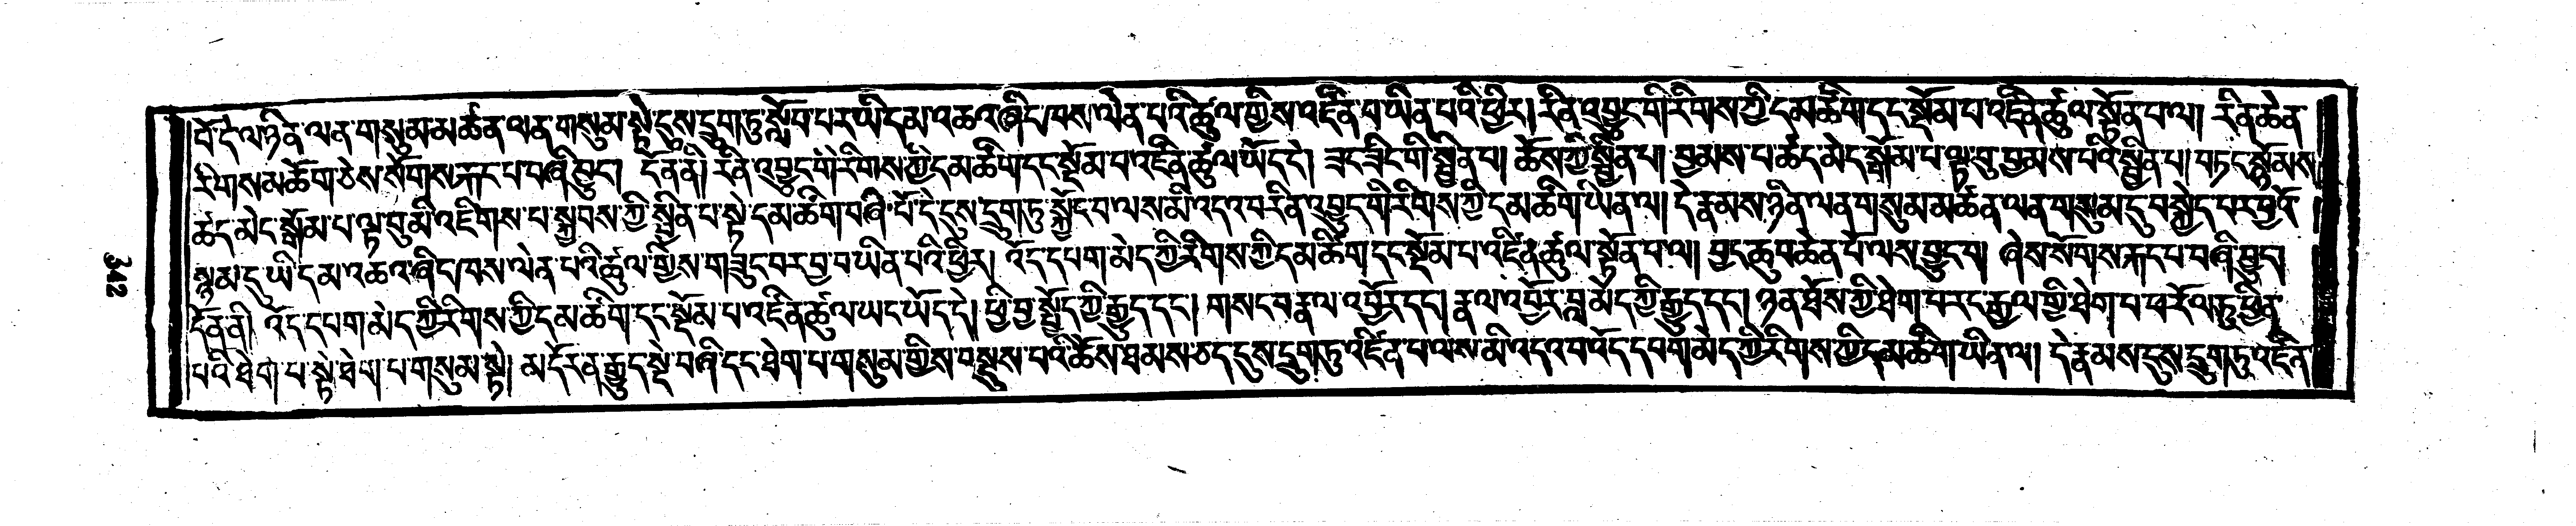པོ་དེ་ལ་ཉིན་ལན་གསུམ་མཚན་ལན་གསུམ་སྟེ་དུས་དྲུག་ཏུ་སློབ་པར་ཡིད་མ་འཆའ་ཞིང་ཁས་ལེན་པའི་ཚུལ་གྱིས་འཛིན་པ་ཡིན་པའི་ཕྱིར། རིན་འབྱུང་གི་རིགས་ཀྱི་དམ་ཚིག་དང་སྡོམ་པ་འཛིན་ཚུལ་སྟོན་པ་ལ། རིན་ཆེན་
རིགས་མཆོག་ཅེས་སོགས་རྐང་པ་བཞི་བྱུང་། དོན་ནི། རིན་འབྱུང་གི་རིགས་ཀྱི་དམ་ཚིག་དང་སྡོམ་པ་འཛིན་ཚུལ་ཡོད་དེ། ཟང་ཟིང་གི་སྦྱིན་པ། ཆོས་ཀྱི་སྦྱིན་པ། བྱམས་པ་ཚད་མེད་སྒོམ་པ་ལྟ་བུ་བྱམས་པའི་སྦྱིན་པ། བཏང་སྙོམས་
ཚད་མེད་སྒོམ་པ་ལྟ་བུ་མི་འཇིགས་པ་སྐྱབས་ཀྱི་སྦྱིན་པ་སྟེ་དམ་ཚིག་བཞི་པོ་དེ་དུས་དྲུག་ཏུ་སྐྱོད་བ་ལས་མི་འདའ་བ་རིན་འབྱུང་གི་རིགས་ཀྱི་དམ་ཚིག་ཡིན་ལ། དེ་རྣམས་ཉིན་ལན་གསུམ་མཚན་ལན་གསུམ་དུ་བསྐྱེད་པར་བྱའོ་
སྙམ་དུ་ཡི་དམ་འཆའ་ཞིང་ཁས་ལེན་པའི་ཚུལ་གྱིས་གཟུང་བར་བྱ་བ་ཡིན་པའི་ཕྱིར། འོད་དཔག་མེད་ཀྱི་རིགས་ཀྱི་དམ་ཚིག་དང་སྡོམ་པ་འཛིན་ཚུལ་སྟོན་པ་ལ། བྱང་ཆུབ་ཆེན་པོ་ལས་བྱུང་བ། ཞེས་སོགས་རྐང་བ་བཞི་བྱུང་།
དོན་ནི། འོད་དཔག་མེད་ཀྱི་རིགས་ཀྱི་དམ་ཚིག་དང་སྡོམ་པ་འཛིན་ཚུལ་ཡང་ཡོད་དེ། ཕྱི་བྱ་སྤྱོད་ཀྱི་རྒྱུད་དང་། གསང་བ་རྣལ་འབྱོར་དང་། རྣལ་འབྱོར་བླ་མེད་ཀྱི་རྒྱུད་དང་། ཉན་ཐོས་ཀྱི་ཐེག་པ་རང་རྒྱལ་གྱི་ཐེག་པ་ཕ་རོལ་ཏུ་ཕྱིན་
པའི་ཐེག་པ་སྟེ་ཐེག་པ་གསུམ་སྟེ། མདོར་ན་རྒྱུད་སྡེ་བཞི་དང་ཐེག་པ་གསུམ་གྱིས་བསྡུས་པའི་ཆོས་ཐམས་ཅད་དུས་དྲུག་ཏུ་འཛིན་པ་ལས་མི་འདའ་པ་འོད་དཔག་མེད་ཀྱི་རིགས་ཀྱི་དམ་ཚིག་ཡིན་ལ། དེ་རྣམས་དུས་དྲུག་ཏུ་འཛིན་